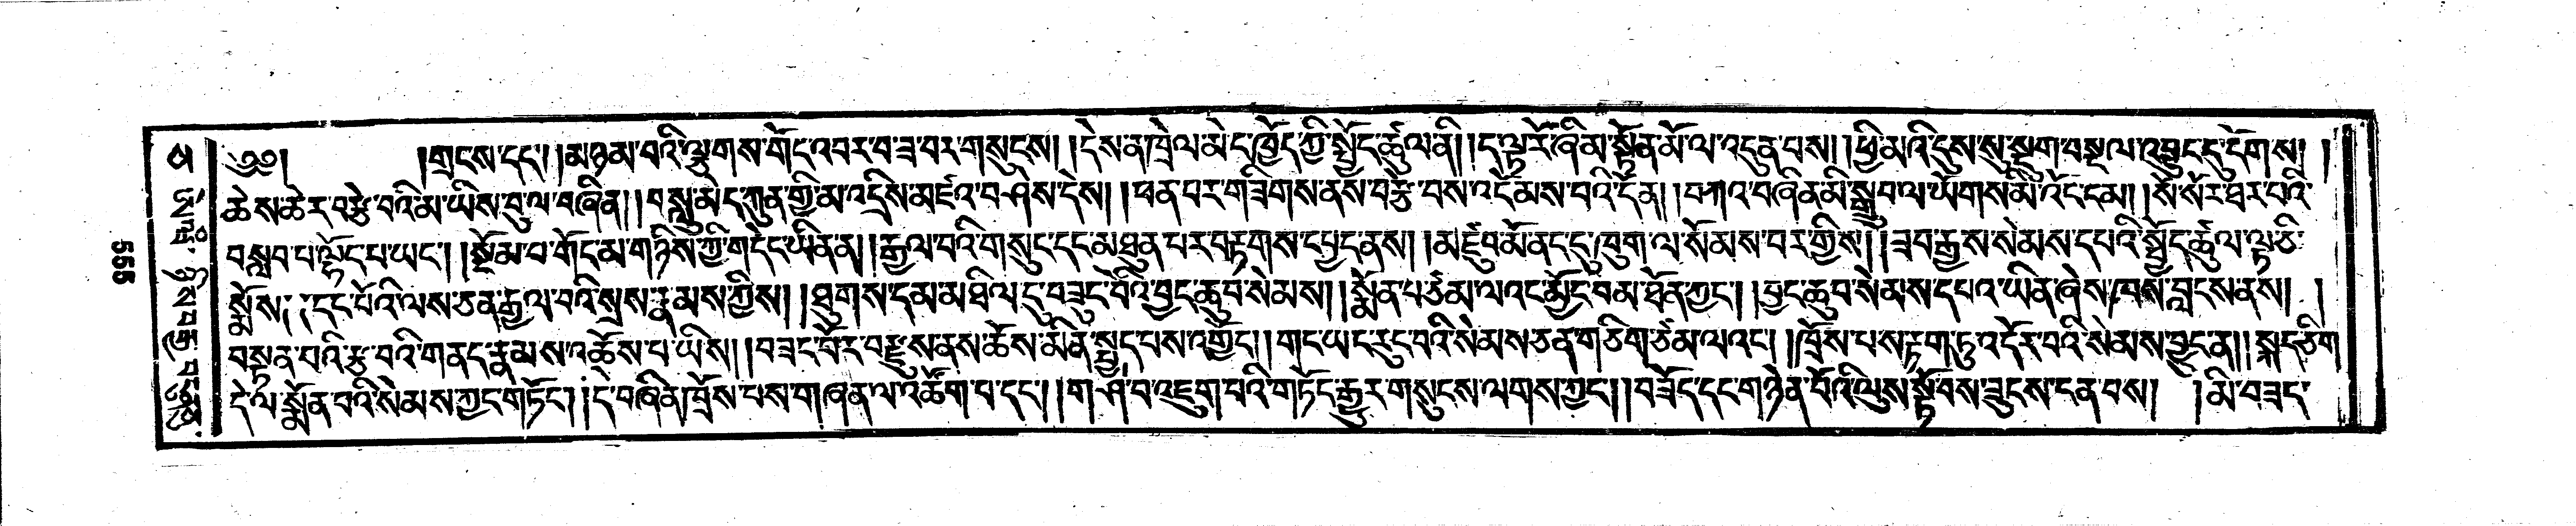༄༅། །གྲངས་དང་། །མཉམ་པའི་ལྕགས་གོང་འབར་བ་ཟ་བར་གསུངས། །དེས་ན་ཁྲེལ་མེད་ཁྱོད་ཀྱི་སྤྱོད་ཚུལ་ནི། །ད་ལྟ་རོ་ཞིམ་སྟོན་མོ་ལ་འདུན་པས། །ཕྱི་མའི་དུས་སུ་སྡུག་བསྔལ་འབྱུང་དུ་དོགས།།
ཆེས་ཆེར་བརྩེ་བའི་མ་ཡིས་བུ་ལ་བཞིན། །བསླུ་མེད་ཀུན་གྱི་མ་འདྲིས་མཛའ་བཤེས་དེས། །ཕན་པར་གཟིགས་ནས་བརྩེ་བས་འདོམས་པའི་དོན། །བཀའ་བཞིན་མི་སྒྲུབ་ལ་ཡོགས་མི་འོང་ངམ། །སོ་སོར་ཐར་པའི་
བསླབ་པ་ལྷོད་པ་ཡང་། །སྡོམ་པ་གོང་མ་གཉིས་ཀྱི་གདེང་ཡིན་ན། །རྒྱལ་བའི་གསུང་དང་མཐུན་པར་བརྟགས་དཔྱད་ནས། །མཛུབ་མོ་ནང་དུ་ཁུག་ལ་སོམས་པར་གྱིས། །ཟབ་རྒྱས་སེམས་དཔའི་སྤྱོད་ཚུལ་ལྟ་ཅི་
སྨོས༑ ༑དང་པོའི་ལས་ཅན་རྒྱལ་བའི་སྲས་རྣམས་ཀྱིས། །ཐུགས་དམ་མཐིལ་དུ་བཟུང་བའི་བྱང་ཆུབ་སེམས། །སྨོན་པ་ཙམ་ལའང་མྱོང་བ་མ་ཐོན་ཀྱང་། །བྱང་ཆུབ་སེམས་དཔའ་ཡིན་ཞེས་ཁས་བླངས་ནས། །
བསྟན་པའི་རྩ་བའི་གནད་རྣམས་འཆོས་པ་ཡིས། །བཟང་པོར་བརྫུས་ནས་ཆོས་མིན་སྤྱད་པས་འགྱོད། །གང་ཡང་རུང་བའི་སེམས་ཅན་གཅིག་ཙམ་ལའང་། །ཁྲོས་པས་རྟག་ཏུ་འདོར་བའི་སེམས་བྱུང་ན། །སྐད་ཅིག་
དེ་ལ་སྨོན་པའི་སེམས་ཀྱང་གཏོང་། །དེ་བཞིན་ཁྲོས་པས་གཞན་ལ་འཚོག་པ་དང་། །གཤེ་བ་འཇུག་པའི་གཏོང་རྒྱུར་གསུངས་ལགས་ཀྱང་། །བཟོད་དང་གཉེན་པོའི་ལུས་སྟོབས་ཟུངས་ངན་པས། །མི་བཟད་